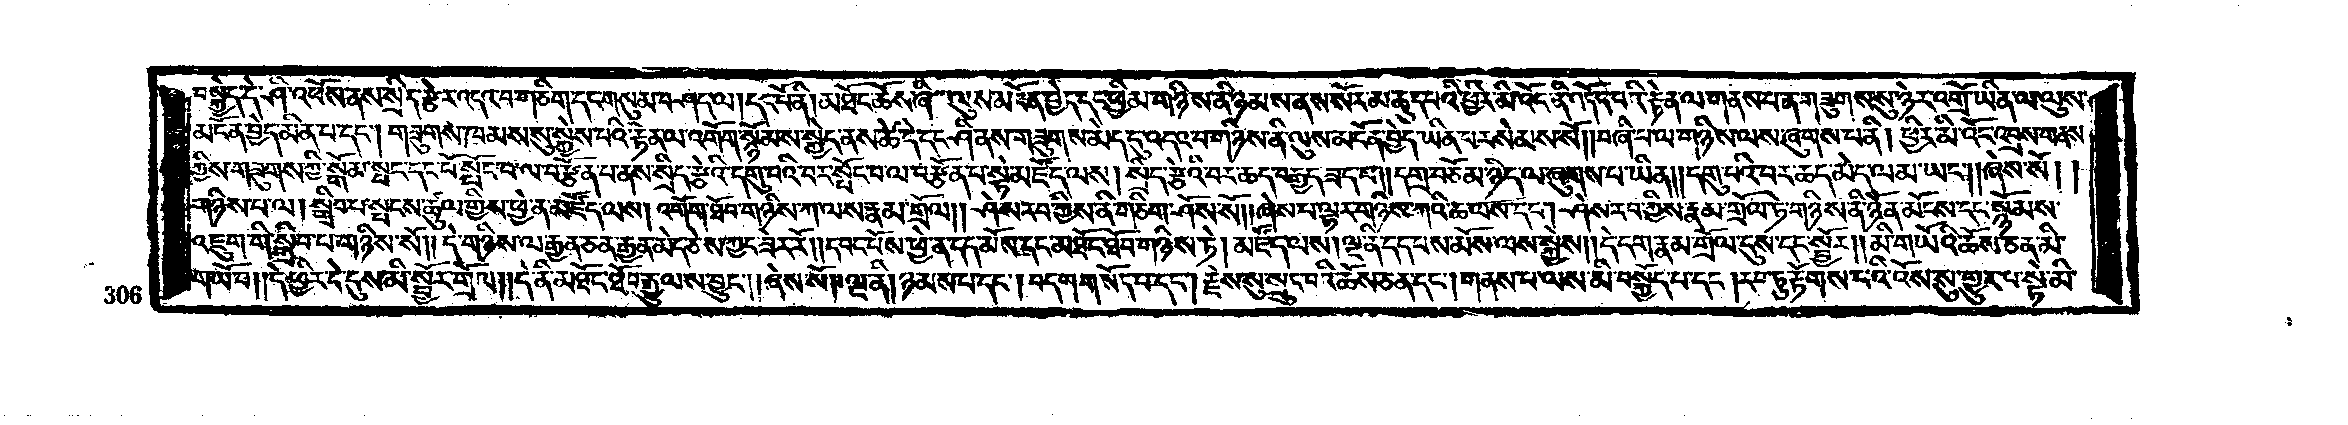བསྐྱེད་དེ་ཤི་འཕོས་ནས་སྲིད་རྩེར་འདའ་བ་གཅིག་དང་གསུམ་བཤད་ལ། དང་པོ་ནི། མཐོང་ཆོས་ཞི་ལུས་མངོན་བྱེད་དང་ཕྱི་མ་གཉིས་ནི་ཉམས་ནས་སོར་མཆུད་པའི་ཕྱིར་མི་འོང་ནི་འདོད་པའི་རྟེན་ལ་གནས་པ་ན་གཟུགས་སུ་ཉེར་འགྲོ་ཡིན་ལ་ལུས་
མངོན་བྱེད་མིན་པ་དང་། གཟུགས་ཁམས་སུ་སྐྱེས་པའི་རྟེན་ལ་འགོག་སྙོམས་སྐྱེད་ནས་ཚེ་དེ་དང་ཤི་ནས་གཟུགས་མེད་དུ་འདའ་བ་གཉིས་ནི་ལུས་མངོན་བྱེད་ཡིན་པར་སེམས་སོ། །བཞི་པ་ལ་གཉིས་ལས་ཞུགས་པ་ནི། ཕྱིར་མི་འོང་འབྲས་གནས་
ཀྱིས་གཟུགས་ཀྱི་སྒོམ་སྤང་དང་པོ་སྤོང་བ་ལ་བརྩོན་པ་ནས་སྲིད་རྩེའི་དགུ་པའི་བར་སྤོང་བ་ལ་བརྩོན་པ་སྟེ་མཛོད་ལས། སྲིད་རྩེའི་བར་ཆད་བརྒྱད་ཟད་པ། །དགྲ་བཅོམ་ཉིད་ལ་ཞུགས་པ་ཡིན། །དགུ་པའི་བར་ཆད་མེད་ལམ་ཡང་། །ཞེས་སོ། །
གཉིས་པ་ལ། སྒྲིབ་པ་སྤངས་ཚུལ་གྱིས་ཕྱེ་ན་མཛོད་ལས། འགོག་ཐོབ་གཉིས་ཀ་ལས་རྣམ་གྲོལ། །ཤེས་རབ་ཀྱིས་ནི་གཅིག་ཤོས་སོ། །ཞེས་པ་ལྟར་གཉིས་ཀའི་ཆ་ལས་དང་། ཤེས་རབ་ཀྱིས་རྣམ་གྲོལ་ཏེ་གཉིས་ནི་ཉོན་མོངས་དང་སྙོམས་
འཇུག་གི་སྒྲིབ་པ་གཉིས་སོ། །དེ་གཉིས་ལ་རྒྱན་ཅན་རྒྱན་མེད་ཅེས་ཀྱང་ཟེར་རོ། །དབང་པོས་ཕྱེ་ན་དད་མོས་དང་མཐོང་ཐོབ་གཉིས་ཏེ། མཛོད་ལས། ལྔ་ནི་དད་པས་མོས་ལས་སྐྱེས། །དེ་དག་རྣམ་གྲོལ་དུས་དང་སྦྱོར། །མི་གཡོའི་ཆོས་ཅན་མི་
གཡོ་བ། །དེ་ཕྱིར་དེ་དུས་མི་སྦྱོར་གྲོལ། །དེ་ནི་མཐོང་ཐོབ་རྒྱུ་ལས་བྱུང་། །ཞེས་སོ། །ལྔ་ནི། ཉམས་པ་དང་། བདག་གསོད་པ་དང་། རྗེས་སུ་སྲུང་བའི་ཆོས་ཅན་དང་། གནས་པ་ལས་མི་བསྐྱོད་པ་དང་། རབ་ཏུ་རྟོགས་པའི་འོས་སུ་གྱུར་པ་སྟེ་མི་